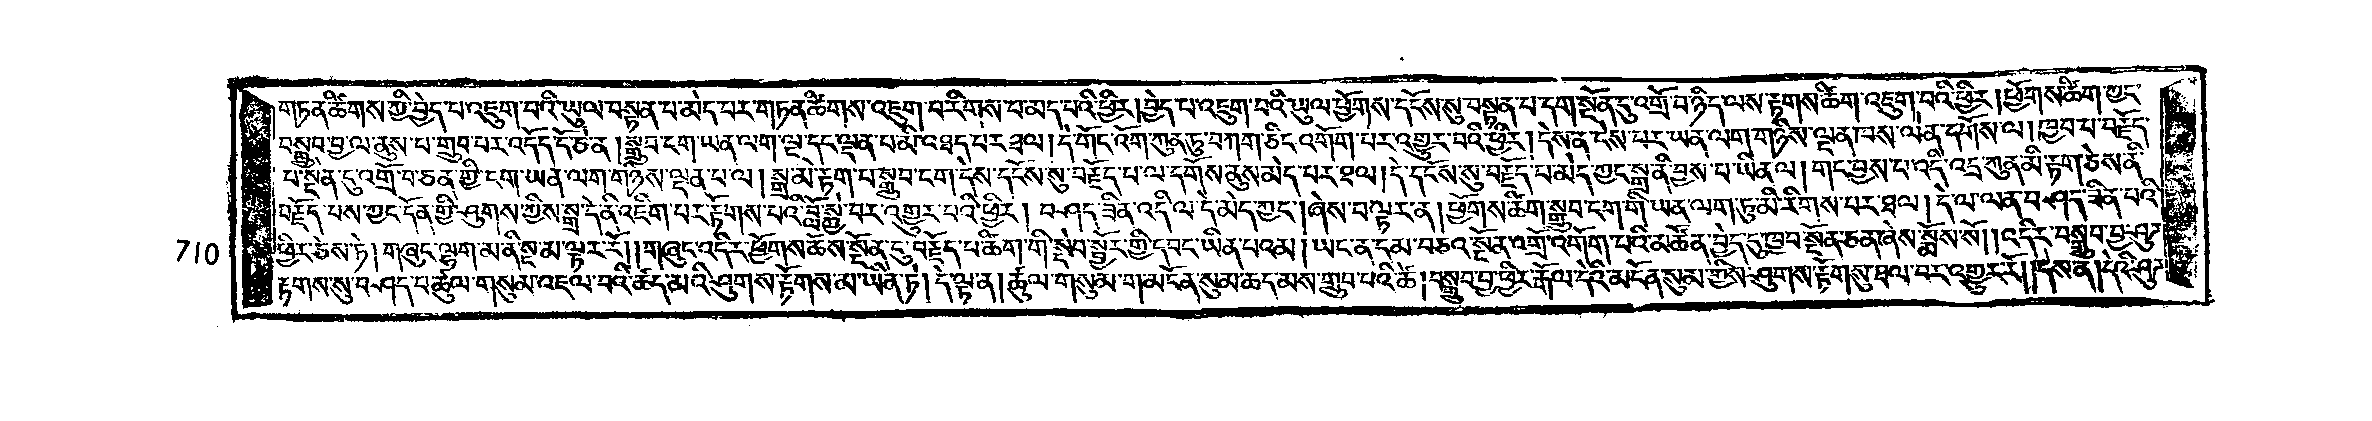གཏན་ཚིགས་ཀྱི་བྱེད་པ་འཇུག་པའི་ཡུལ་བསྟན་པ་མེད་པར་གཏན་ཚིགས་འཇུག་པ་རིགས་པ་མེད་པའི་ཕྱིར་བྱེད་པ་འཇུག་པའི་ཡུལ་ཕྱོགས་དངོས་སུ་བསྟན་པ་དག་སྔོན་དུ་འགྲོ་བ་ཉིད་ལས་རྟགས་ཚིག་འཇུག་པའི་ཕྱིར་།ཕྱོགས་ཚིག་ཀྱང་
བསྒྲུབ་བྱ་ལ་ནུས་པ་གྲུབ་པར་འདོད་དོ་ཅེ་ན། །སྒྲུབ་ངག་ཡན་ལག་ལྔ་དང་ལྡན་པ་མི་འཐད་པར་ཐལ། དེ་གོང་འགོ་ཀུན་ཏུ་བཀག་ཅིང་འགོག་པར་འགྱུར་བའི་ཕྱིར། དེས་ན་ངེས་པར་ཡན་ལག་གཉིས་ལྡན་ཁས་ལེན་དགོས་ལ། ཁྱབ་པ་བརྗོད་
པ་སྔོན་དུ་འགྲོ་བ་ཅན་གྱི་ངག་ཡན་ལག་གཉིས་ལྡན་པ་ལ། སྒྲ་མི་རྟག་པ་སྒྲུབ་ངག་དེས་དངོས་སུ་བརྗོད་པ་ལ་དགོས་ནུས་མེད་པར་ཐལ། དེ་དངོས་སུ་བརྗོད་པ་མེད་ཀྱང་སྒྲ་ནི་བྱས་པ་ཡིན་ལ། གང་བྱས་པ་འདི་འདྲ་ཀུན་མི་རྟག་ཅེས་ནི་
བརྗོད་པས་ཀྱང་དོན་གྱི་ཤུགས་ཀྱིས་སྒྲ་དེ་ནི་འཇིག་པར་རྟོགས་པའི་བློ་སྐྱེ་བར་འགྱུར་བའི་ཕྱིར། བཤད་ཟིན་འདི་ལ་དེ་མེད་ཀྱང་། ཞེས་བལྟར་ན། ཕྱོགས་ཚིག་སྒྲུབ་ངག་གི་ཡན་ལག་ཏུ་མི་རིགས་པར་ཐལ། དེ་ལ་ལན་བཤད་ཟིན་པའི་
ཕྱིར་ཅེས་ཏེ། གཞུང་ལྷག་མ་ནི་སྔ་མ་ལྟར་རོ། །གཞུང་འདིར་ཕྱོགས་ཆོས་སྔོན་དུ་བརྗོད་པ་ཚིག་གི་སྡེབ་སྦྱོར་གྱི་དབང་ཡིན་པའམ། ཡང་ན་དམ་བཅའ་སྔོན་འགྲོ་འགོག་པའི་མཚོན་བྱེད་དུ་ཁྱབ་སྔོན་ཅན་ཞེས་སྨོས་སོ། །འདིར་བསྒྲུབ་བྱ་ཤུགས་
རྟགས་སུ་བཤད་པ་ཚུལ་གསུམ་འཇལ་བའི་ཚད་མའི་ཤུགས་རྟོགས་མ་ཡིན་ཏེ། དེ་ལྟ་ན། ཚུལ་གསུམ་ག་མངོན་སུམ་ཚད་མས་གྲུབ་པའི་ཚེ། བསྒྲུབ་ཡ་ཕྱིར་རྒོལ་དེའི་མངོན་སུམ་གྱིས་ཤུགས་རྟོགས་སུ་ཐལ་བར་འགྱུར་རོ། །དེས་ནི། དེའི་ཤུགས་